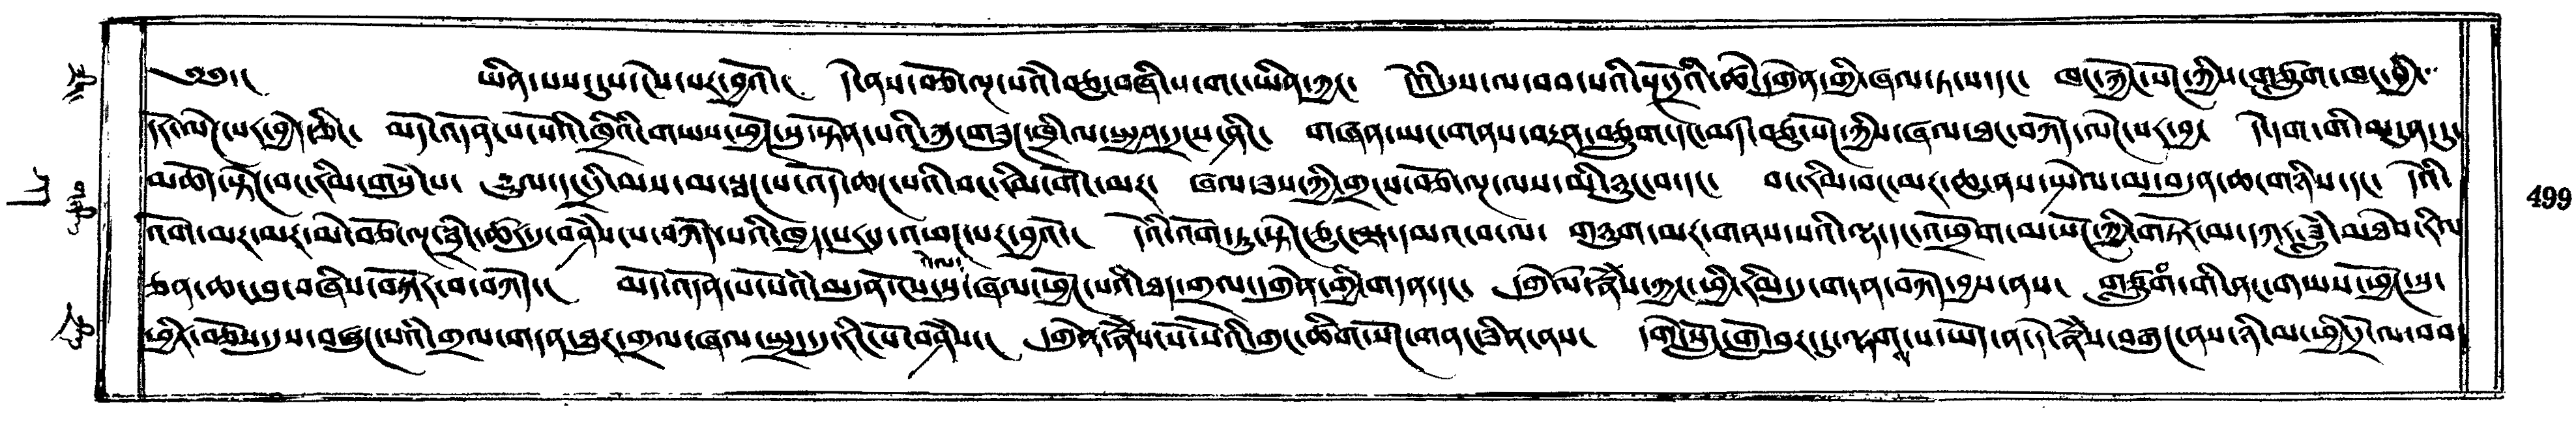ཡིན་པས་དུས་ངེས་པར་བྱའོ།། དེ་ནས་བཅོ་ལྔ་པའམ་བཅུ་བཞི་པ་གང་ཡིན་ཡང་། དེའི་དུས་ལ་བབ་པའི་སྔ་དྲོའི་ཚེ་དགེ་འདུན་གྱི་ཞལ་ཏ་པ་དང་། ཁང་སྐྱོང་སོགས་ཀྱིས་གཙུག་ལག་ཁང་བྱི་དོར་ལེགས་པར་བྱེད་ཅིང་། 
མདོ་འདོན་པ་པོའི་ཁྲིའི་གཡས་ཕྱོགས་སུ་སྟོན་པའི་སྐུ་གཟུགས་ཁྲི་ལ་སྤྱན་དྲངས་ཤིང་། གཞན་ཡང་གནས་བརྟན་བཅུ་དྲུག་དང་མཛད་བཅུ་སོགས་ཀྱིས་ཞལ་ཐང་བཀོད་ལེགས་པར་བྱ། དེ་དག་གི་མདུན་དུ་
མཆོད་སྟེགས་བང་རིམ་གསུམ་པ། རྡུལ་དང་དྲི་མས་མ་སྦགས་པར་འོད་ཆགས་པའི་བང་རིམ་གོང་མར། ཞལ་ཟས་ཀྱི་གྲངས་བཅོ་ལྔ་ལས་མི་ཉུང་བ་དང་། བང་རིམ་བར་མར་ཆུ་ནས་སྤེལ་མ་བདུན་ཆ་གཉིས་དང་། དེའི་
འོག་མར་མར་མེ་བཅོ་ལྔ་སྦྲེང་ཚར་དུ་བཤམས་པ་བཀོད་པའི་ཁྱད་པར་དུའཕགས་པར་བྱའོ།། དེའི་འོག་ཏུ་སྟེགས་ཅུང་དམའ་བ་ལ། གཉུག་མར་གནས་པའི་ལྷ་དང་འཕྲོག་མ་སོགས་ཀྱི་གཏོར་མ་དཀར་ཟླུམ་མཐེབ་རིལ་
ཅན་ཆང་བུ་བཞིས་བསྐོར་བ་བཀོད། མདོ་འདོན་པ་པོའི་མདུན་ངོས་སུ་དེ་ལ་ཞལ་ཕྱོགས་པའི་ཐད་གྲལ་དགེ་འདུན་གྱི་གདན་དང་། དགེ་ཚུལ་རྣམས་ཀྱང་ཕྱི་རིམ་དུ་གདན་བཀོད་བྱས་ནས། གཙུག་ལག་ཁང་གི་ནང་གཡས་ཕྱོགས་སུ་
ཕྱིར་བཅོས་དུས་བཞུགས་སའི་གྲལ་གདན་ཐུར་གྲལ་ཞལ་སྤྲད་དུ་རིང་པོ་བཤམས། དགེ་འདུན་རྣམས་སོ་སོའི་གུང་ཚིགས་སོགས་གནང་ཟིན་ནས། དགེ་སློང་གློ་བུར་དུ་ལྷགས་པ་ཡོད་ན་དེ་རྣམས་བསྒུགས་ནས་ཉི་མ་ཕྱི་དྲོ་ལ་བབ་